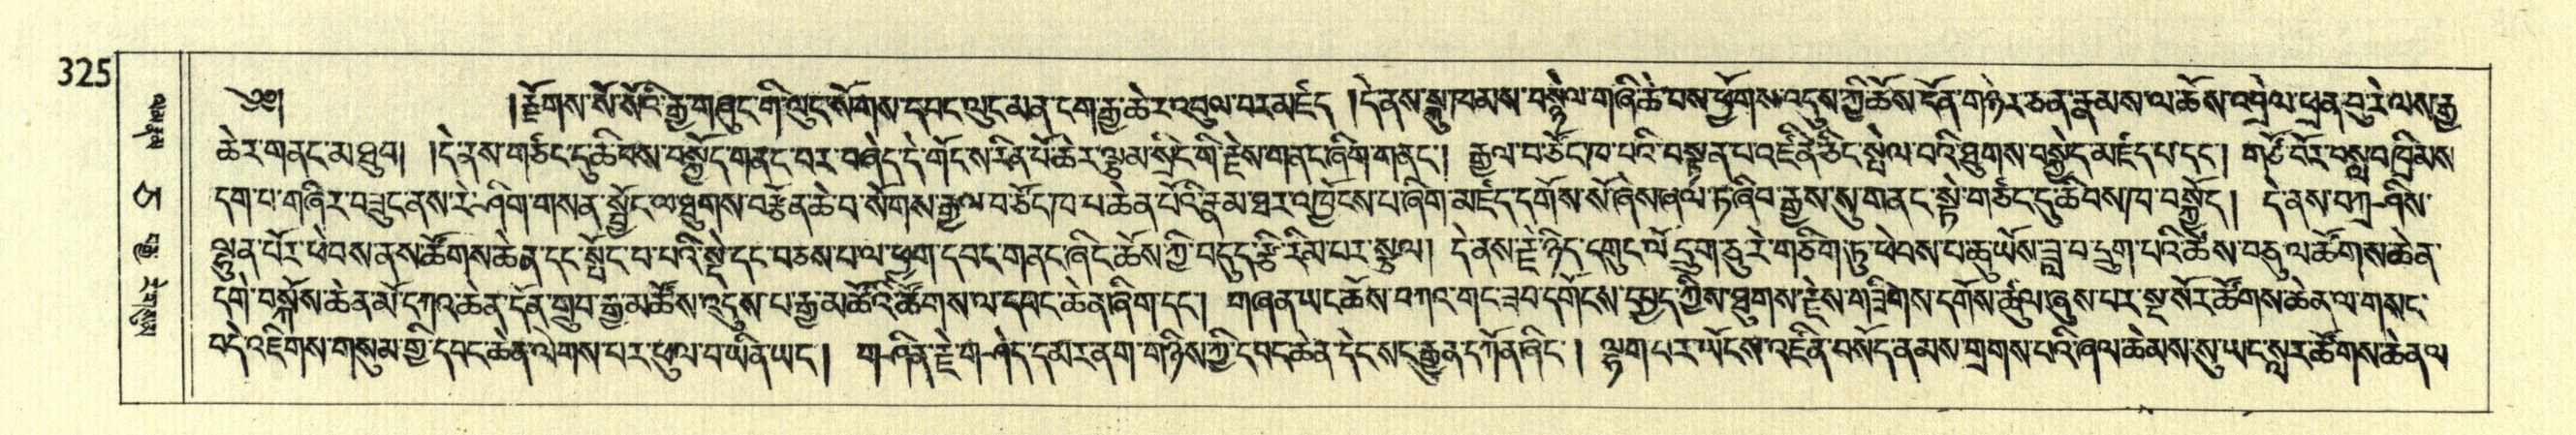༄༅། །རྫོགས་སོ་སོའི་རྒྱ་གཞུང་གི་ལུང་སོགས་དབང་ལུང་མན་ངག་རྒྱ་ཆེར་འབུལ་བར་མཛད། །དེ་ནས་སྐུ་ཁམས་བསྙེལ་གཞི་ཆེ་བས་ཕྱོགས་འདུས་ཀྱི་ཆོས་དོན་གཉེར་ཅན་རྣམས་ལ་ཆོས་འབྲེལ་ཕྲན་བུ་རེ་ལས་རྒྱ་
ཆེར་གནང་མ་ཐུབ། །དེ་ནས་གཙང་དུ་ཆི་བས་བསྐྱོད་གནང་བར་བཞེད་དེ་གོང་ས་རིན་པོ་ཆེར་ལྕམ་སྲིང་གི་རྗེས་གནང་ཞིག་གནང་། རྒྱལ་བ་ཙོང་ཁ་པའི་བསྟན་པ་འཛིན་ཅིང་སྤེལ་བའི་ཐུགས་བསྐྱེད་མཛད་པ་དང་། གཙོ་བོར་བསླབ་ཁྲིམས་
དག་པ་གཞིར་བཟུང་ནས་རེ་ཤིག་གསན་སྦྱོང་ལ་ཐུགས་བརྩོན་ཆེ་བ་སོགས་རྒྱལ་བ་ཙོང་ཁ་པ་ཆེན་པོའི་རྣམ་ཐར་འཁྱོངས་པ་ཞིག་མཛད་དགོས་སོ་ཞེས་ཞལ་ཏ་ཞིབ་རྒྱས་སུ་གནང་སྟེ་གཙང་དུ་ཆིབས་ཁ་བསྐྱོད། དེ་ནས་བཀྲ་ཤིས་
ལྷུན་པོར་ཕེབས་ནས་ཚོགས་ཆེན་དང་སྤོང་བ་པའི་སྡེ་དང་བཅས་པ་ལ་ཕྱག་དབང་གནང་ཞིང་ཆོས་ཀྱི་བདུད་རྩི་རིམ་པར་སྩལ། དེ་ནས་རྗེ་ཉིད་དགུང་ལོ་དྲུག་ཅུ་རེ་གཅིག་ཏུ་ཕེབས་པ་ཆུ་ཡོས་ཟླ་བ་དྲུག་པའི་ཚེས་བཅུ་ལ་ཚོགས་ཆེན་
དགེ་བསྐོས་ཆེན་མོ་དཀའ་ཆེན་དོན་གྲུབ་རྒྱ་མཚོས་འདུས་པ་རྒྱ་མཚོའི་ཚོགས་ལ་དབང་ཆེན་ཞིག་དང་། གཞན་ཡང་ཆོས་བཀའ་གང་ཟབ་དགོངས་དཔྱད་ཀྱིས་ཐུགས་རྗེས་གཟིགས་དགོས་ཚུལ་ཞུས་པར་སྔ་སོར་ཚོགས་ཆེན་ལ་གསང་
བདེ་འཇིགས་གསུམ་གྱི་དབང་ཆེན་ལེགས་པར་ཕུལ་བ་ཡིན་ཡང་། གཤིན་རྗེ་གཤེད་དམར་ནག་གཉིས་ཀྱི་དབང་ཆེན་དེང་སང་རྒྱུན་དཀོན་ཞིང་། ལྷག་པར་ཡོངས་འཛིན་བསོད་ནམས་གྲགས་པའི་ཞལ་ཆེམས་སུ་ཡང་སླར་ཚོགས་ཆེན་ལ་